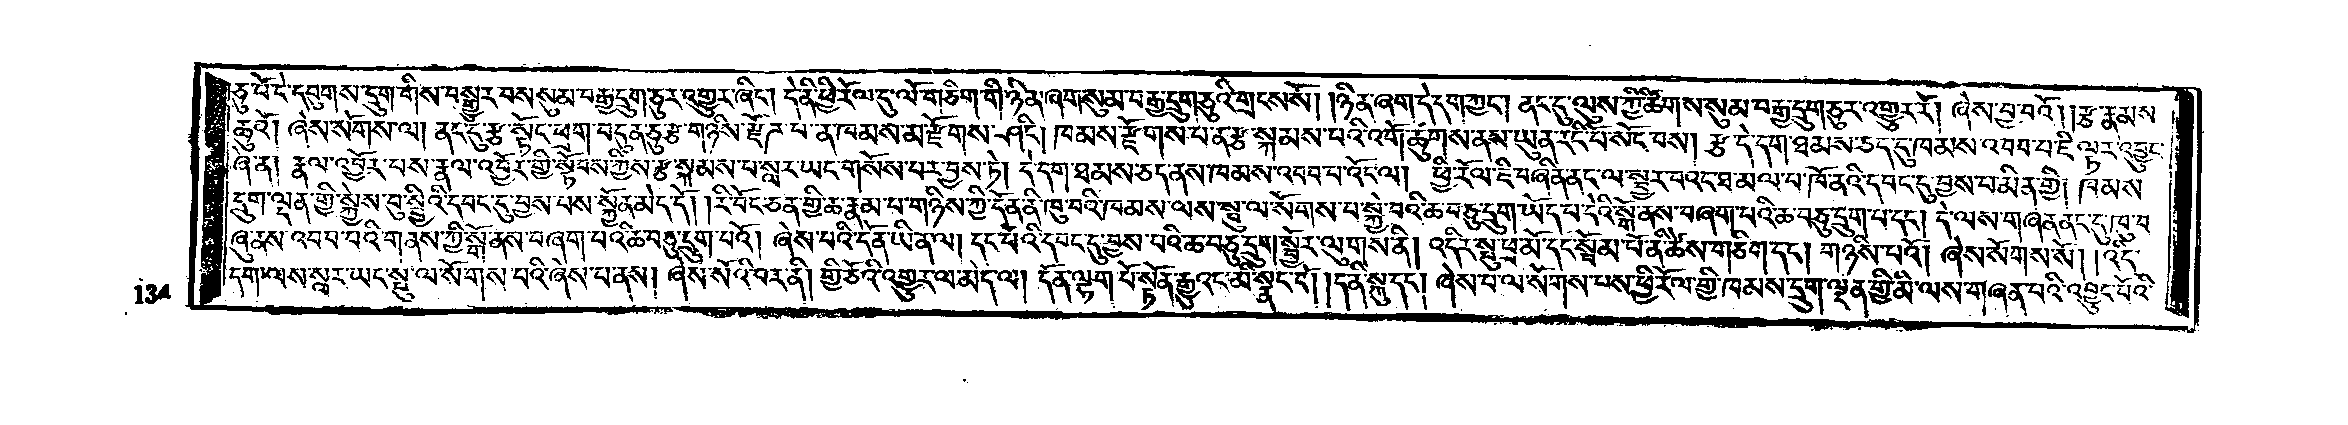ཅུ་པོ་དེ་དབུགས་དྲུག་གིས་བསྒྱུར་བས་སུམ་བརྒྱ་དྲུག་ཅུར་འགྱུར་ཞིང་། དེ་ནི་ཕྱི་རོལ་དུ་ལོ་གཅིག་གི་ཉིན་ཞག་སུམ་བརྒྱ་དྲུག་ཅུའི་གྲངས་སོ། །ཉིན་ཞག་དེ་དག་ཀྱང་། ནང་དུ་ལུས་ཀྱི་ཚིགས་སུམ་བརྒྱ་དྲུག་ཅུར་འགྱུར་རོ། ཞེས་བྱ་བའོ། །རྩ་རྣམས་
ཆུའོ། ཞེས་སོགས་ལ། ནང་དུ་རྩ་སྟོང་ཕྲག་བདུན་ཅུ་རྩ་གཉིས་རྫོགས་པ་ན་ཁམས་མ་རྫོགས་ཤིང་། ཁམས་རྫོགས་པ་ན་རྩ་སྐམས་པའི་འགོ་ཚུགས་ནས་ཡུན་རིང་པོ་སོང་བས། རྩ་དེ་དག་ཐམས་ཅད་དུ་ཁམས་འབབ་པ་ཇི་ལྟར་འབྱུང་
ཞེ་ན། རྣལ་འབྱོར་པས་རྣལ་འབྱོར་གྱི་སྟོབས་ཀྱིས་རྩ་སྐམས་པ་སླར་ཡང་གསོས་པར་བྱས་ཏེ། དེ་དག་ཐམས་ཅད་ནས་ཁམས་འབབ་པ་འོང་ལ། ཕྱི་རོལ་ཇི་བཞིན་ནང་ལ་སྦྱར་བའང་ཐ་མལ་པ་ཁོ་ནའི་དབང་དུ་བྱས་པ་མིན་གྱི། ཁམས་
དྲུག་ལྡན་གྱི་སྐྱེས་བུ་སྤྱིའི་དབང་དུ་བྱས་པས་སྐྱོན་མེད་དོ། །རི་བོང་ཅན་གྱི་ཆ་རྣམ་པ་གཉིས་ཀྱི་དོན་ནི་ཁུ་བའི་ཁམས་ལས་སྤུ་ལ་སོགས་པ་སྐྱེ་བའི་ཆ་བཅུ་དྲུག་ཡོད་པ་དེའི་སྒོ་ནས་བཞག་པའི་ཆ་བཅུ་དྲུག་པ་དང་། དེ་ལས་གཞན་ནང་དུ་ཁུ་བ་
ཞུ་ནས་འབབ་པའི་གནས་ཀྱི་སྒོ་ནས་བཞག་པའི་ཆ་བཅུ་དྲུག་པའོ། ཞེས་པའི་དོན་ཡིན་ལ། དང་པོའི་དབང་དུ་བྱས་པའི་ཆ་བཅུ་དྲུག་སྦྱོར་ལུགས་ནི། འདིར་སྤུ་ཕྲ་མོ་དང་སྦོམ་པོ་ནི་ཚེས་གཅིག་དང་། གཉིས་པའོ། ཞེས་སོགས་སོ། །འདི་
དག་ལས་སླར་ཡང་སྤུ་ལ་སོགས་པའི་ཞེས་པ་ནས། ཞེས་སོའི་བར་ནི། གྱི་ཅོའི་འགྱུར་ལ་མེད་ལ། དོན་ལྷག་པོ་སྟོན་རྒྱུའང་མི་སྣང་ངོ། །ད་ནི་སྐུ་དང་། ཞེས་པ་ལ་སོགས་པས་ཕྱི་རོལ་གྱི་ཁམས་དྲུག་ལྡན་གྱི་མི་ལས་གཞན་པའི་འབྱུང་པོའི་